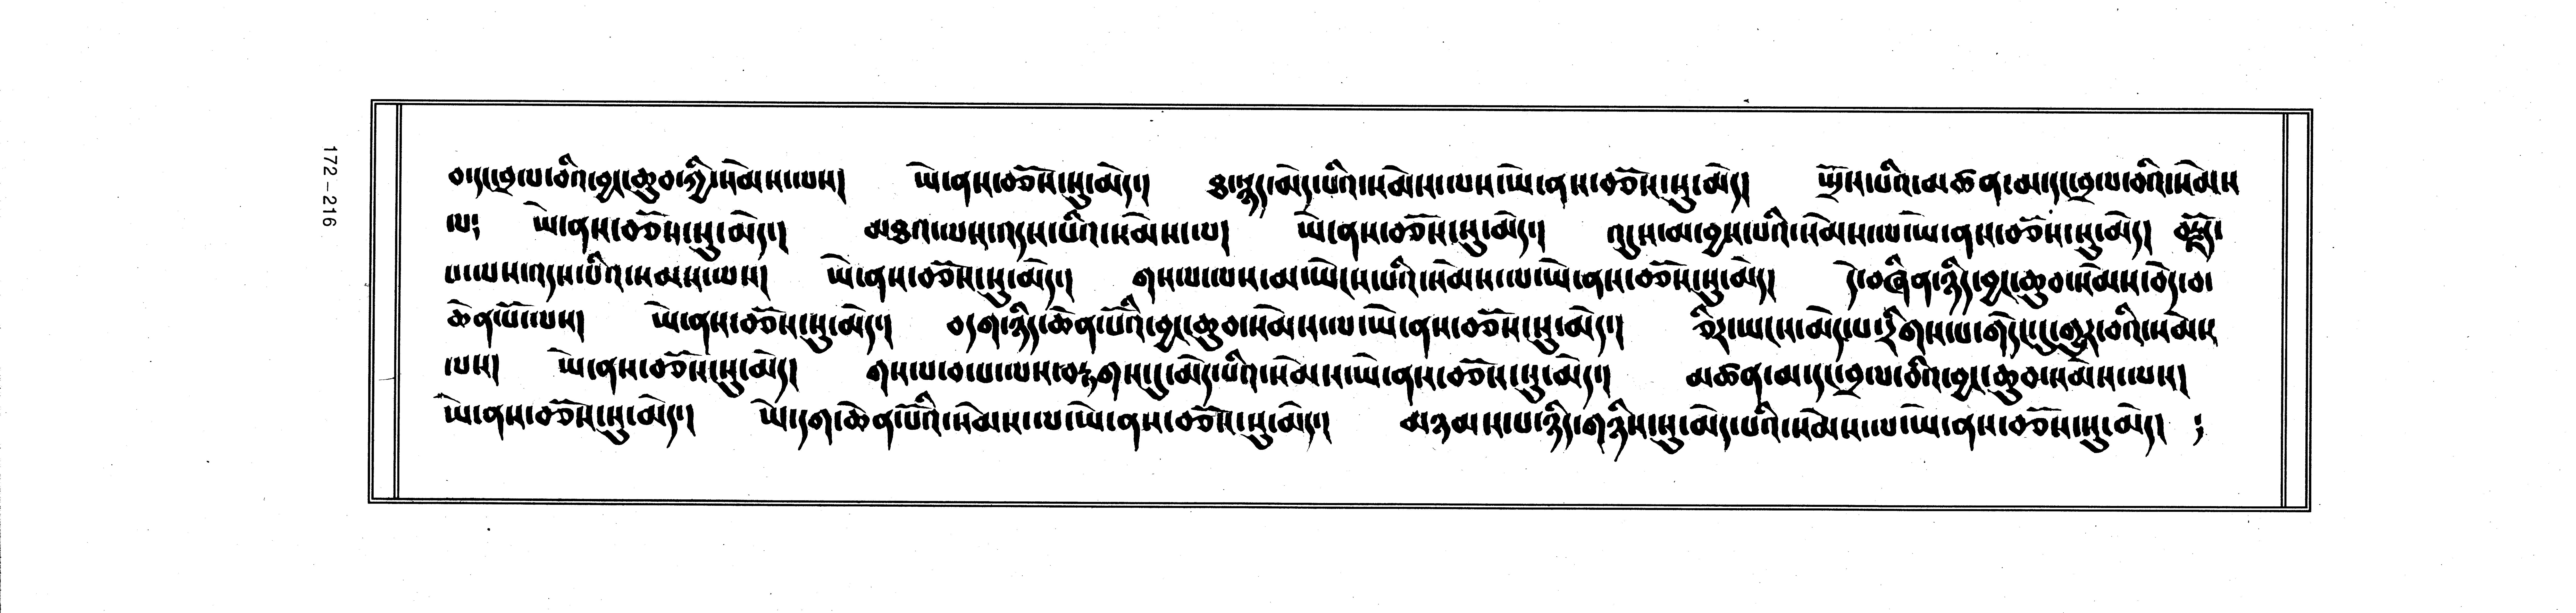བ་དང་བྲལ་བའི་བྱང་ཆུབ་ཀྱིས་སེམས་ལས། ཡེ་ནས་བཅོས་སུ་མེད། ཐ་སྙེད་མེད་པའི་སེམས་ལས་ཡེ་ནས་བཅོས་སུ་མེད། སྤྲོས་པའི་མཚན་མ་དང་བྲལ་བའི་སེམས་
ལ། ཡེ་ནས་བཅོས་སུ་མེད། མཐའ་ལས་འདས་པའི་སེམས་ལ། ཡེ་ནས་བཅོས་སུ་མེད། འདུས་མ་བྱས་པའི་སེམས་ལ་ཡེ་ནས་བཅོས་སུ་མེད། བརྗོད་
པ་ལས་འདས་པའི་སེམས་ལས། ཡེ་ནས་བཅོས་སུ་མེད། གསལ་ལས་མ་གཡེངས་པའི་སེམས་ལ་ཡེ་ནས་བཅོས་སུ་མེད། དེ་བཞིན་ཉིད་བྱང་ཆུབ་སེམས་བདེ་བ་
ཆེན་པོ་ལས། ཡེ་ནས་བཅོས་སུ་མེད། བདག་ཉིད་ཆེན་པོའི་བྱང་ཆུབ་སེམས་ལ་ཡེ་ནས་བཅོས་སུ་མེད། ཅིར་ཡང་མེད་པ་རིག་པ་གདེང་དུ་གྱུར་བའི་སེམས་
ལས། ཡེ་ནས་བཅོས་སུ་མེད། གསལ་བ་པ་ལས་བརྟགས་དུ་མེད་པའི་སེམས་ཡེ་ནས་བཅོས་སུ་མེད། མཚན་མ་དང་བྲལ་བའི་བྱང་ཆུབ་སེམས་ལས། 
ཡེ་ནས་བཅོས་སུ་མེད། ཡེ་དག་ཆེན་པོའི་སེམས་ལ་ཡེ་ནས་བཅོས་སུ་མེད། མཉམས་པ་ཉིད་གཉིས་སུ་མེད་པའི་སེམས་ལ་ཡེ་ནས་བཅོས་སུ་མེད།